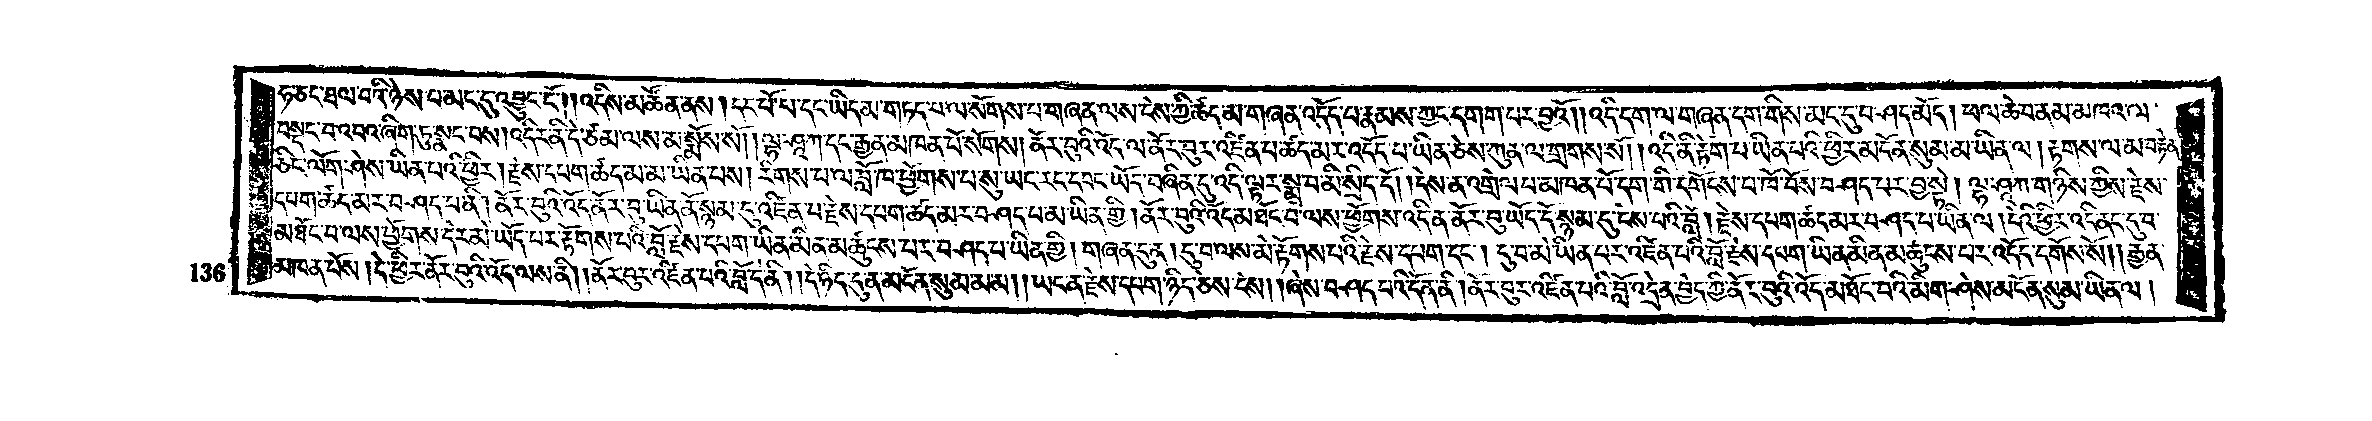ཧ་ཅང་ཐལ་བའི་ཉེས་པ་མང་དུ་འབྱུང་ངོ། །འདིས་མཚོན་ནས། དང་པོ་པ་དང་ཡིད་མ་གཏད་པ་ལ་སོགས་པ་གཞན་ལས་ངེས་ཀྱི་ཚད་མ་གཞན་འདོད་པ་རྣམས་ཀྱང་དགག་པར་བྱའོ། །འདི་དག་ལ་གཞན་དག་གིས་མང་དུ་བཤད་མོད། ཕལ་ཆེ་བ་ནམ་མཁའ།
བསྡང་བ་འབའ་ཞིག་ཏུ་སྣང་བས། འདིར་ནི་དེ་ཙམ་ལས་མ་སྨོས་སོ། །ལྷ་ཤྰྐ་དང་རྒྱན་མཁན་པོ་སོགས། ནོར་བུའི་འོད་ལ་ནོར་བུར་འཛིན་པ་ཚད་མར་འདོད་པ་ཡིན་ཅེས་ཀུན་ལ་གྲགས་སོ། །འདི་ནི་རྟོག་པ་ཡིན་པའི་ཕྱིར་མངོན་སུམ་མ་ཡིན་ལ། རྟགས་ལ་མ་བརྟེན་
ཅིང་ལོག་ཤེས་ཡིན་པའི་ཕྱིར། རྗེས་དཔག་ཚད་མ་མ་ཡིན་པས། རིགས་པ་ལ་བློ་ཁ་ཕྱོགས་པ་སུ་ཡང་རང་དབང་ཡོད་བཞིན་དུ་འདི་ལྟར་སྨྲ་བ་མི་སྲིད་དོ། །དེས་ན་འགྲེལ་པ་མཁན་པོ་དག་གི་དགོངས་པ་ཁོ་བོས་བཤད་པར་བྱ་སྟེ། ལྷ་ཤྰྐ་གཉིས་ཀྱིས་རྗེས་
དཔག་ཚད་མར་བཤད་པ་ནི། ནོར་བུའི་འདོད་ནོར་བུ་ཡིན་ནོ་སྙམ་དུ་འཛིན་པ་རྗེས་དཔག་ཚད་མར་བཤད་པ་མ་ཡིན་གྱི། ནོར་བུའི་འོད་མཐོང་བ་ལས་ཕྱོགས་འདི་ན་ནོར་བུ་ཡོད་དོ་སྙམ་དུ་ངེས་པའི་བློ། རྗེས་དཔག་ཚད་མར་བཤད་པ་ཡིན་ལ། དེའི་ཕྱིར་འདི་ནང་དུ་བ་
མཐོང་བ་ལས་ཕྱོགས་དེར་མེ་ཡོད་པར་རྟོགས་པའི་བློ་རྗེས་དཔག་ཡིན་མིན་མཚུངས་པར་བཤད་པ་ཡིན་གྱི། གཞན་དུ་ན། དུ་བ་ལས་མེ་རྟོགས་པའི་རྗེས་དཔག་དང་། དུ་བ་མེ་ཡིན་པར་འཛིན་པའི་བློ་རྗེས་དཔག་ཡིན་མིན་མཚུངས་པར་འདོད་དགོས་སོ། །རྒྱན་
མཁན་པོས། དེ་ཕྱིར་ནོར་བུའི་འོད་ལས་ནི། །ནོར་བུར་འཛིན་པའི་བློ་དེ་ནི། །དེ་ཉིད་དུ་ན་མངོན་སུམ་མམ། །ཡང་ན་རྗེས་དཔག་ཉིད་ཅེས་ངེས། །ཞེས་བཤད་པའི་དོན་ནི། ནོར་བུར་འཛིན་པའི་བློ་འདྲེན་བྱེད་ཀྱི་ནོར་བུའི་འོད་མཐོང་བའི་མིག་ཤེས་མངོན་སུམ་ཡིན་ལ།